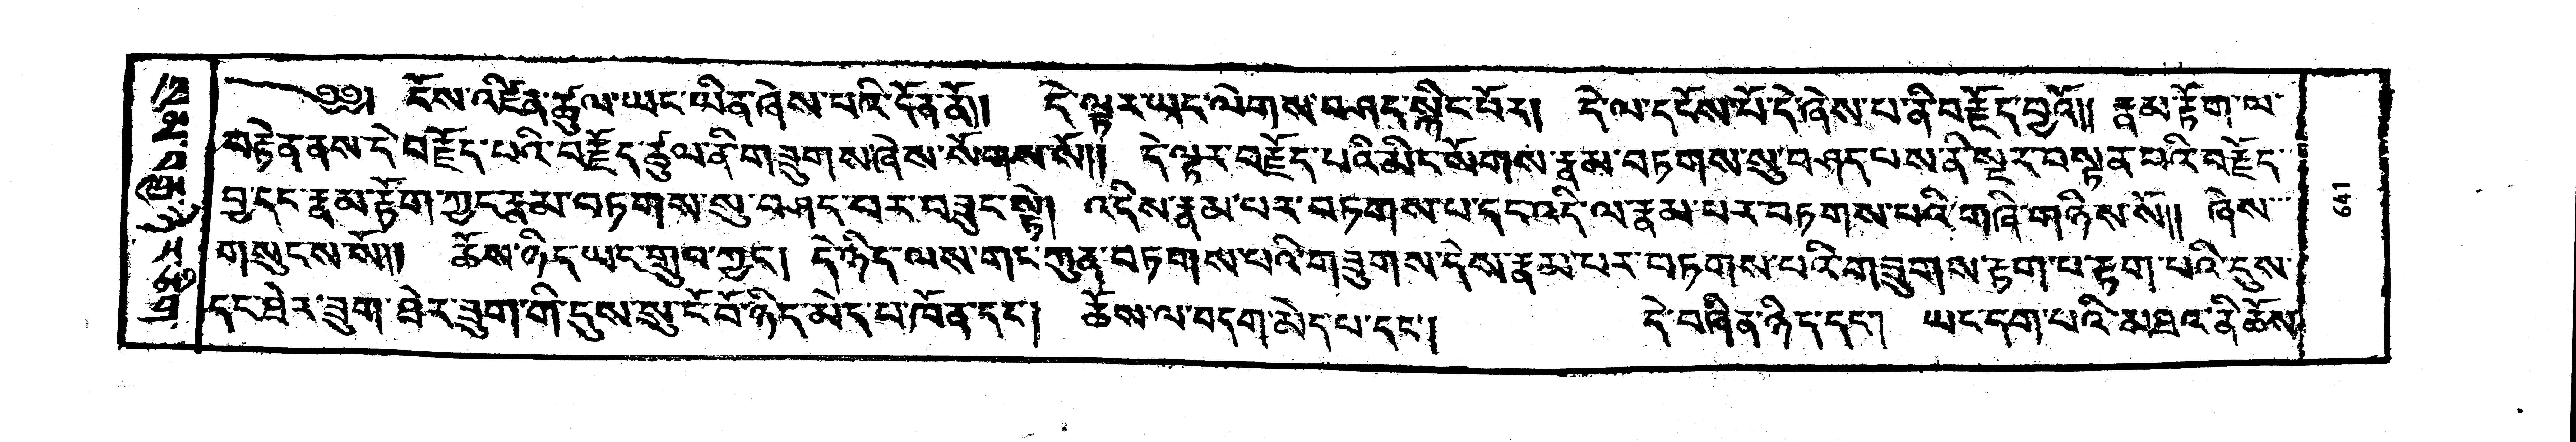༄༅། །་ངོས་འཛིན་ཚུལ་ཡང་ཡིན་ཞེས་པའི་དོན་ནོ།། དེ་ལྟར་ཡང་ལེགས་བཤད་སྙིང་པོར། དེ་ལ་དངོས་པོ་དེ་ཞེས་པ་ནི་བརྗོད་བྱའོ།། རྣམ་རྟོག་ལ་
བརྟེན་ནས་དེ་བརྗོད་པའི་བརྗོད་ཚུལ་ནི་གཟུགས་ཞེས་སོགས་སོ།། དེ་ལྟར་བརྗོད་པའི་མིང་སོགས་རྣམ་བཏགས་སུ་བཤད་པས་ནི་སྔར་བསྟན་པའི་བརྗོད་
བྱ་དང་རྣམ་རྟོག་ཀྱང་རྣམ་བཏགས་སུ་བཤད་པར་བཟུང་སྟེ། འདིས་རྣམ་པར་བཏགས་པ་དང་འདི་ལ་རྣམ་པར་བཏགས་པའི་གཞི་གཉིས་སོ།། ཞེས་
གསུངས་སོ།། ཆོས་ཉིད་ཡང་གྲུབ་ཀྱང་། དེ་ཉིད་ལས་གང་ཀུན་བཏགས་པའི་གཟུགས་དེས་རྣམ་པར་བཏགས་པའི་གཟུགས་རྟག་པ་རྟག་པའི་དུས་
དང་ཐེར་ཟུག་ཐེར་ཟུག་གི་དུས་སུ་ངོ་བོ་ཉིད་མེད་པ་ཁོ་ན་དང་། ཆོས་ལ་བདག་མེད་པ་དང་། དེ་བཞིན་ཉིད་དང་། ཡང་དག་པའི་མཐའ་ནི་ཆོས་